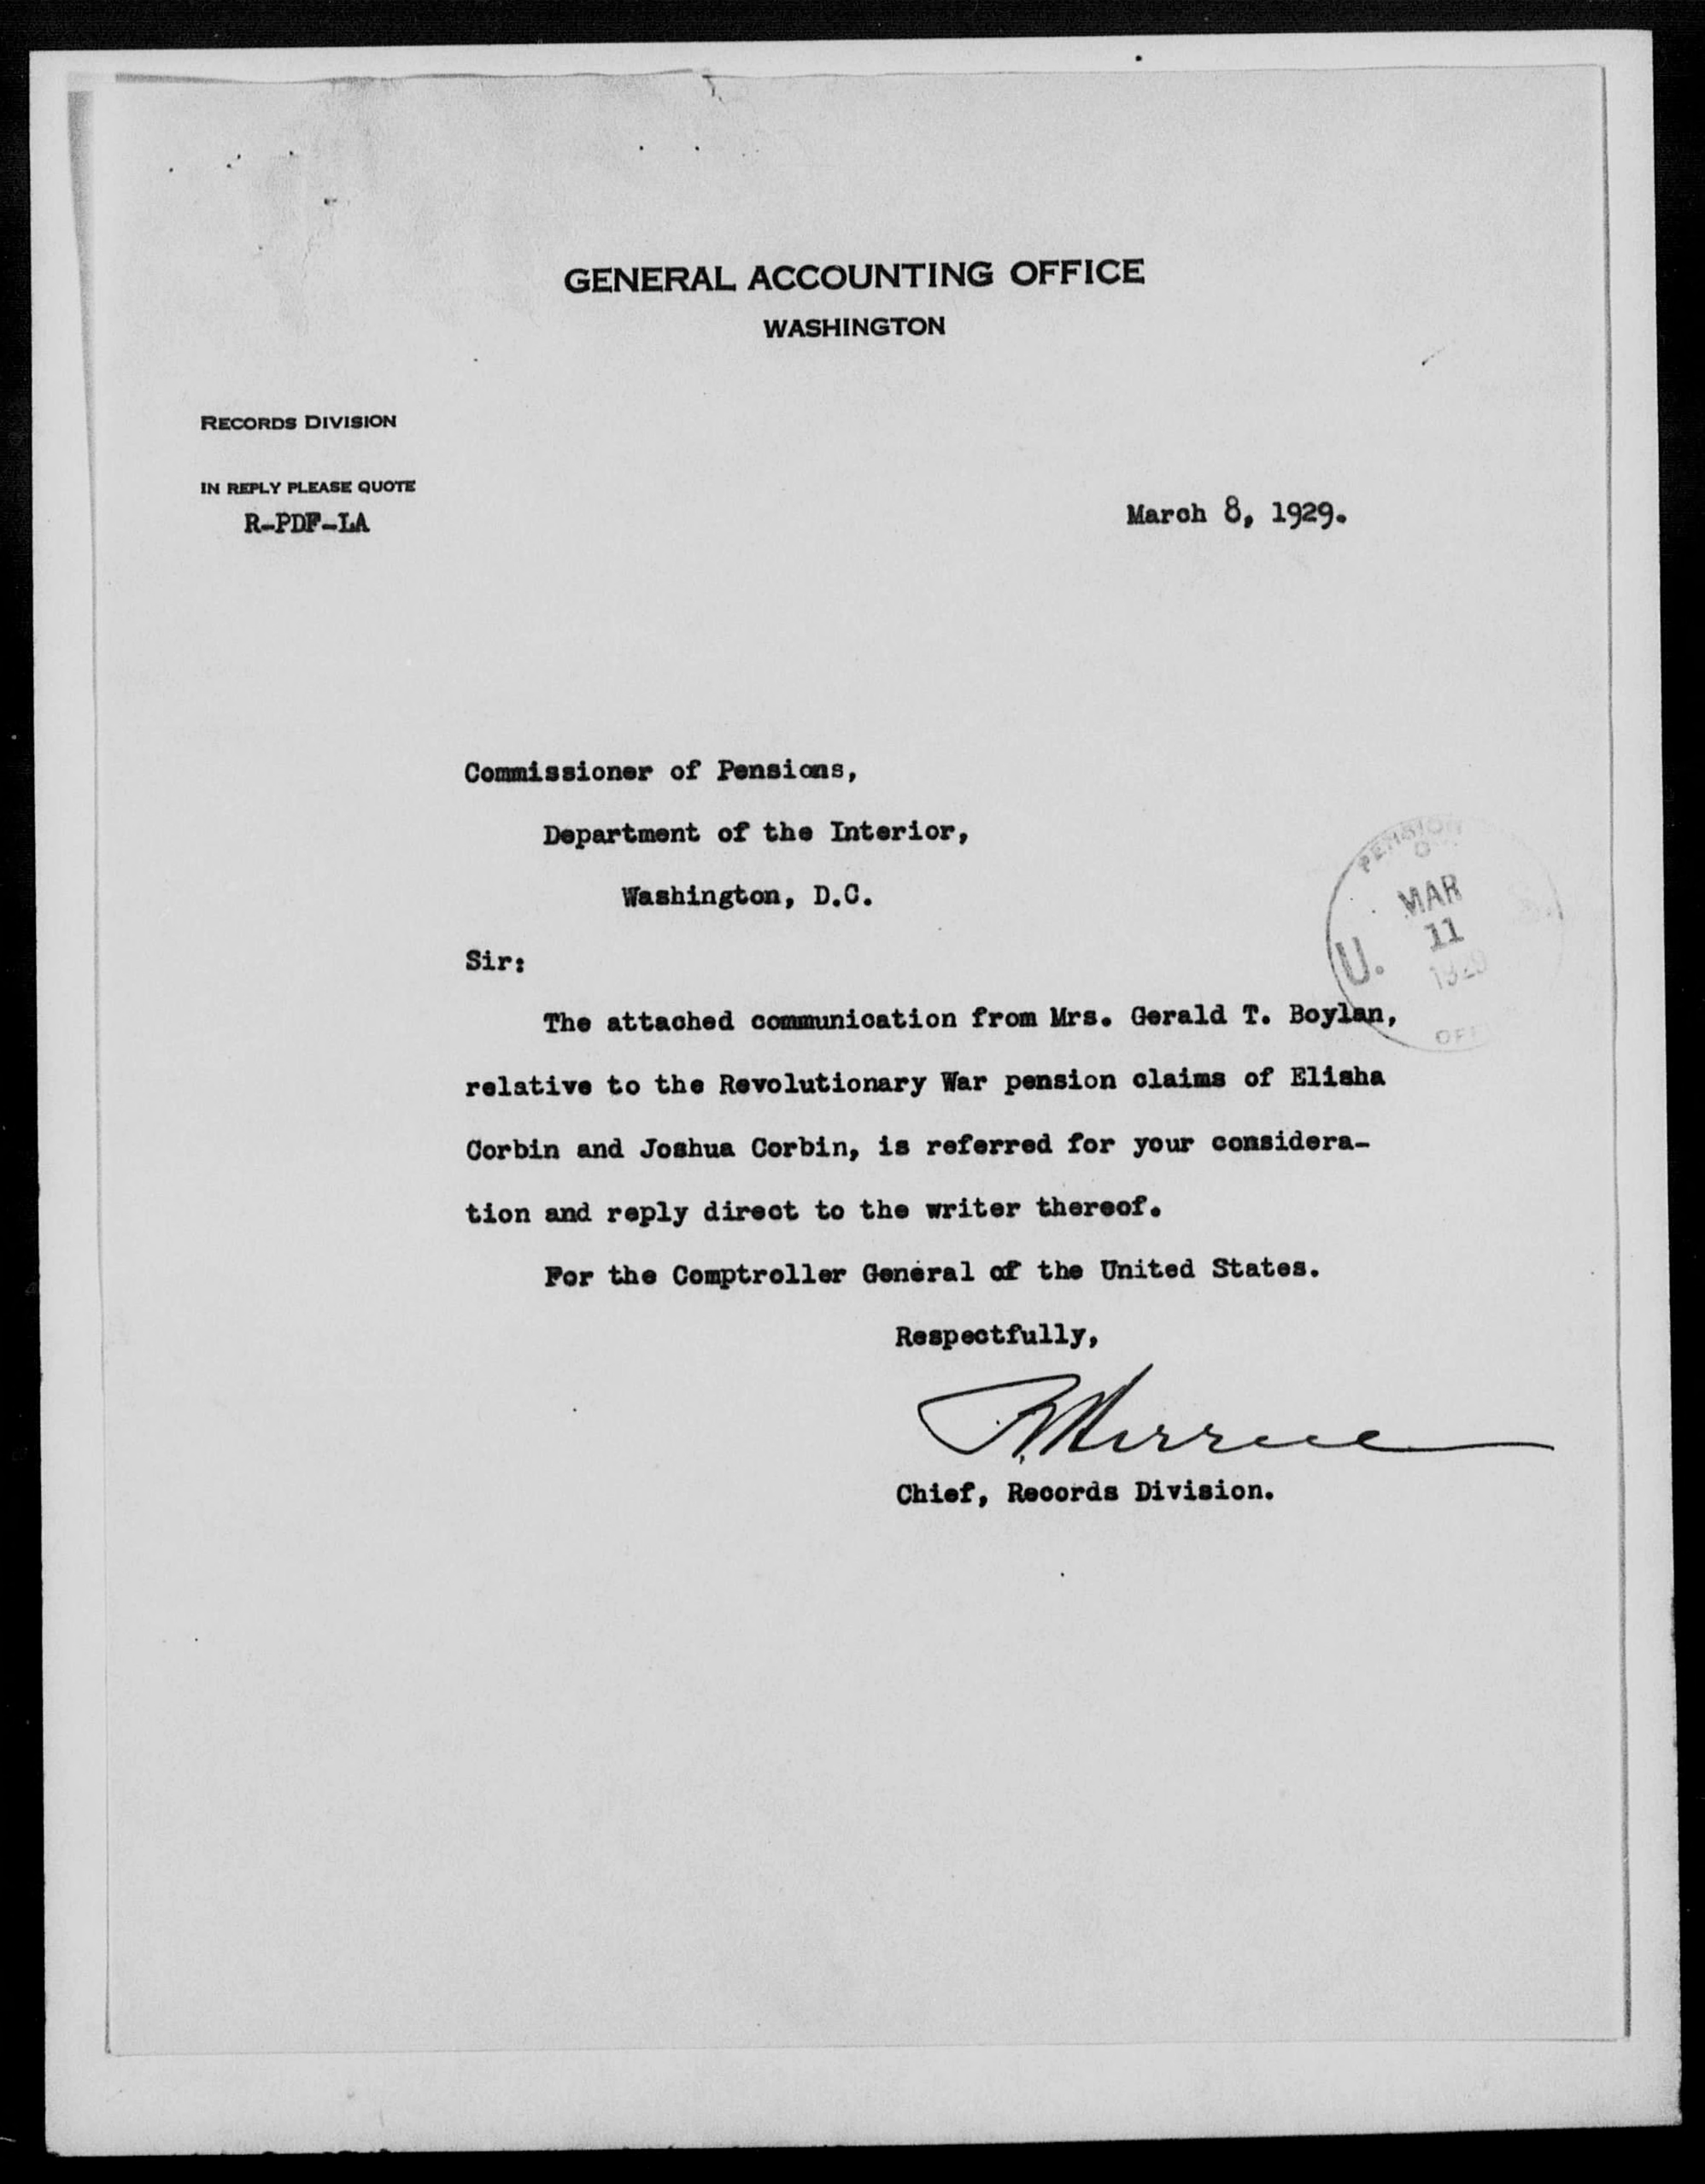General Accounting Office
Washington
Records Division
In Reply Please Quote R-PDF-LA
March 8, 1929

Commissioner of Pensions
Department of the Interior
Washington, DC

Sir:
The attached communication from Mrs. Gerald T. Boylan, relative to the Revolutionary War pension claims of Elisha Corbin and Joshua Corbin, is referred for your consideration and reply direct to the writer thereof.
For the Comptroller General of the United States.
Respectfully,
R. Merrell
Chief, Records Division.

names: R Merrell, Elisha Corbin, Gerald T Boylan, Joshua Corbin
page: 19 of 34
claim: survivor's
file: S. 12581, Joshua Corbin, Mass.